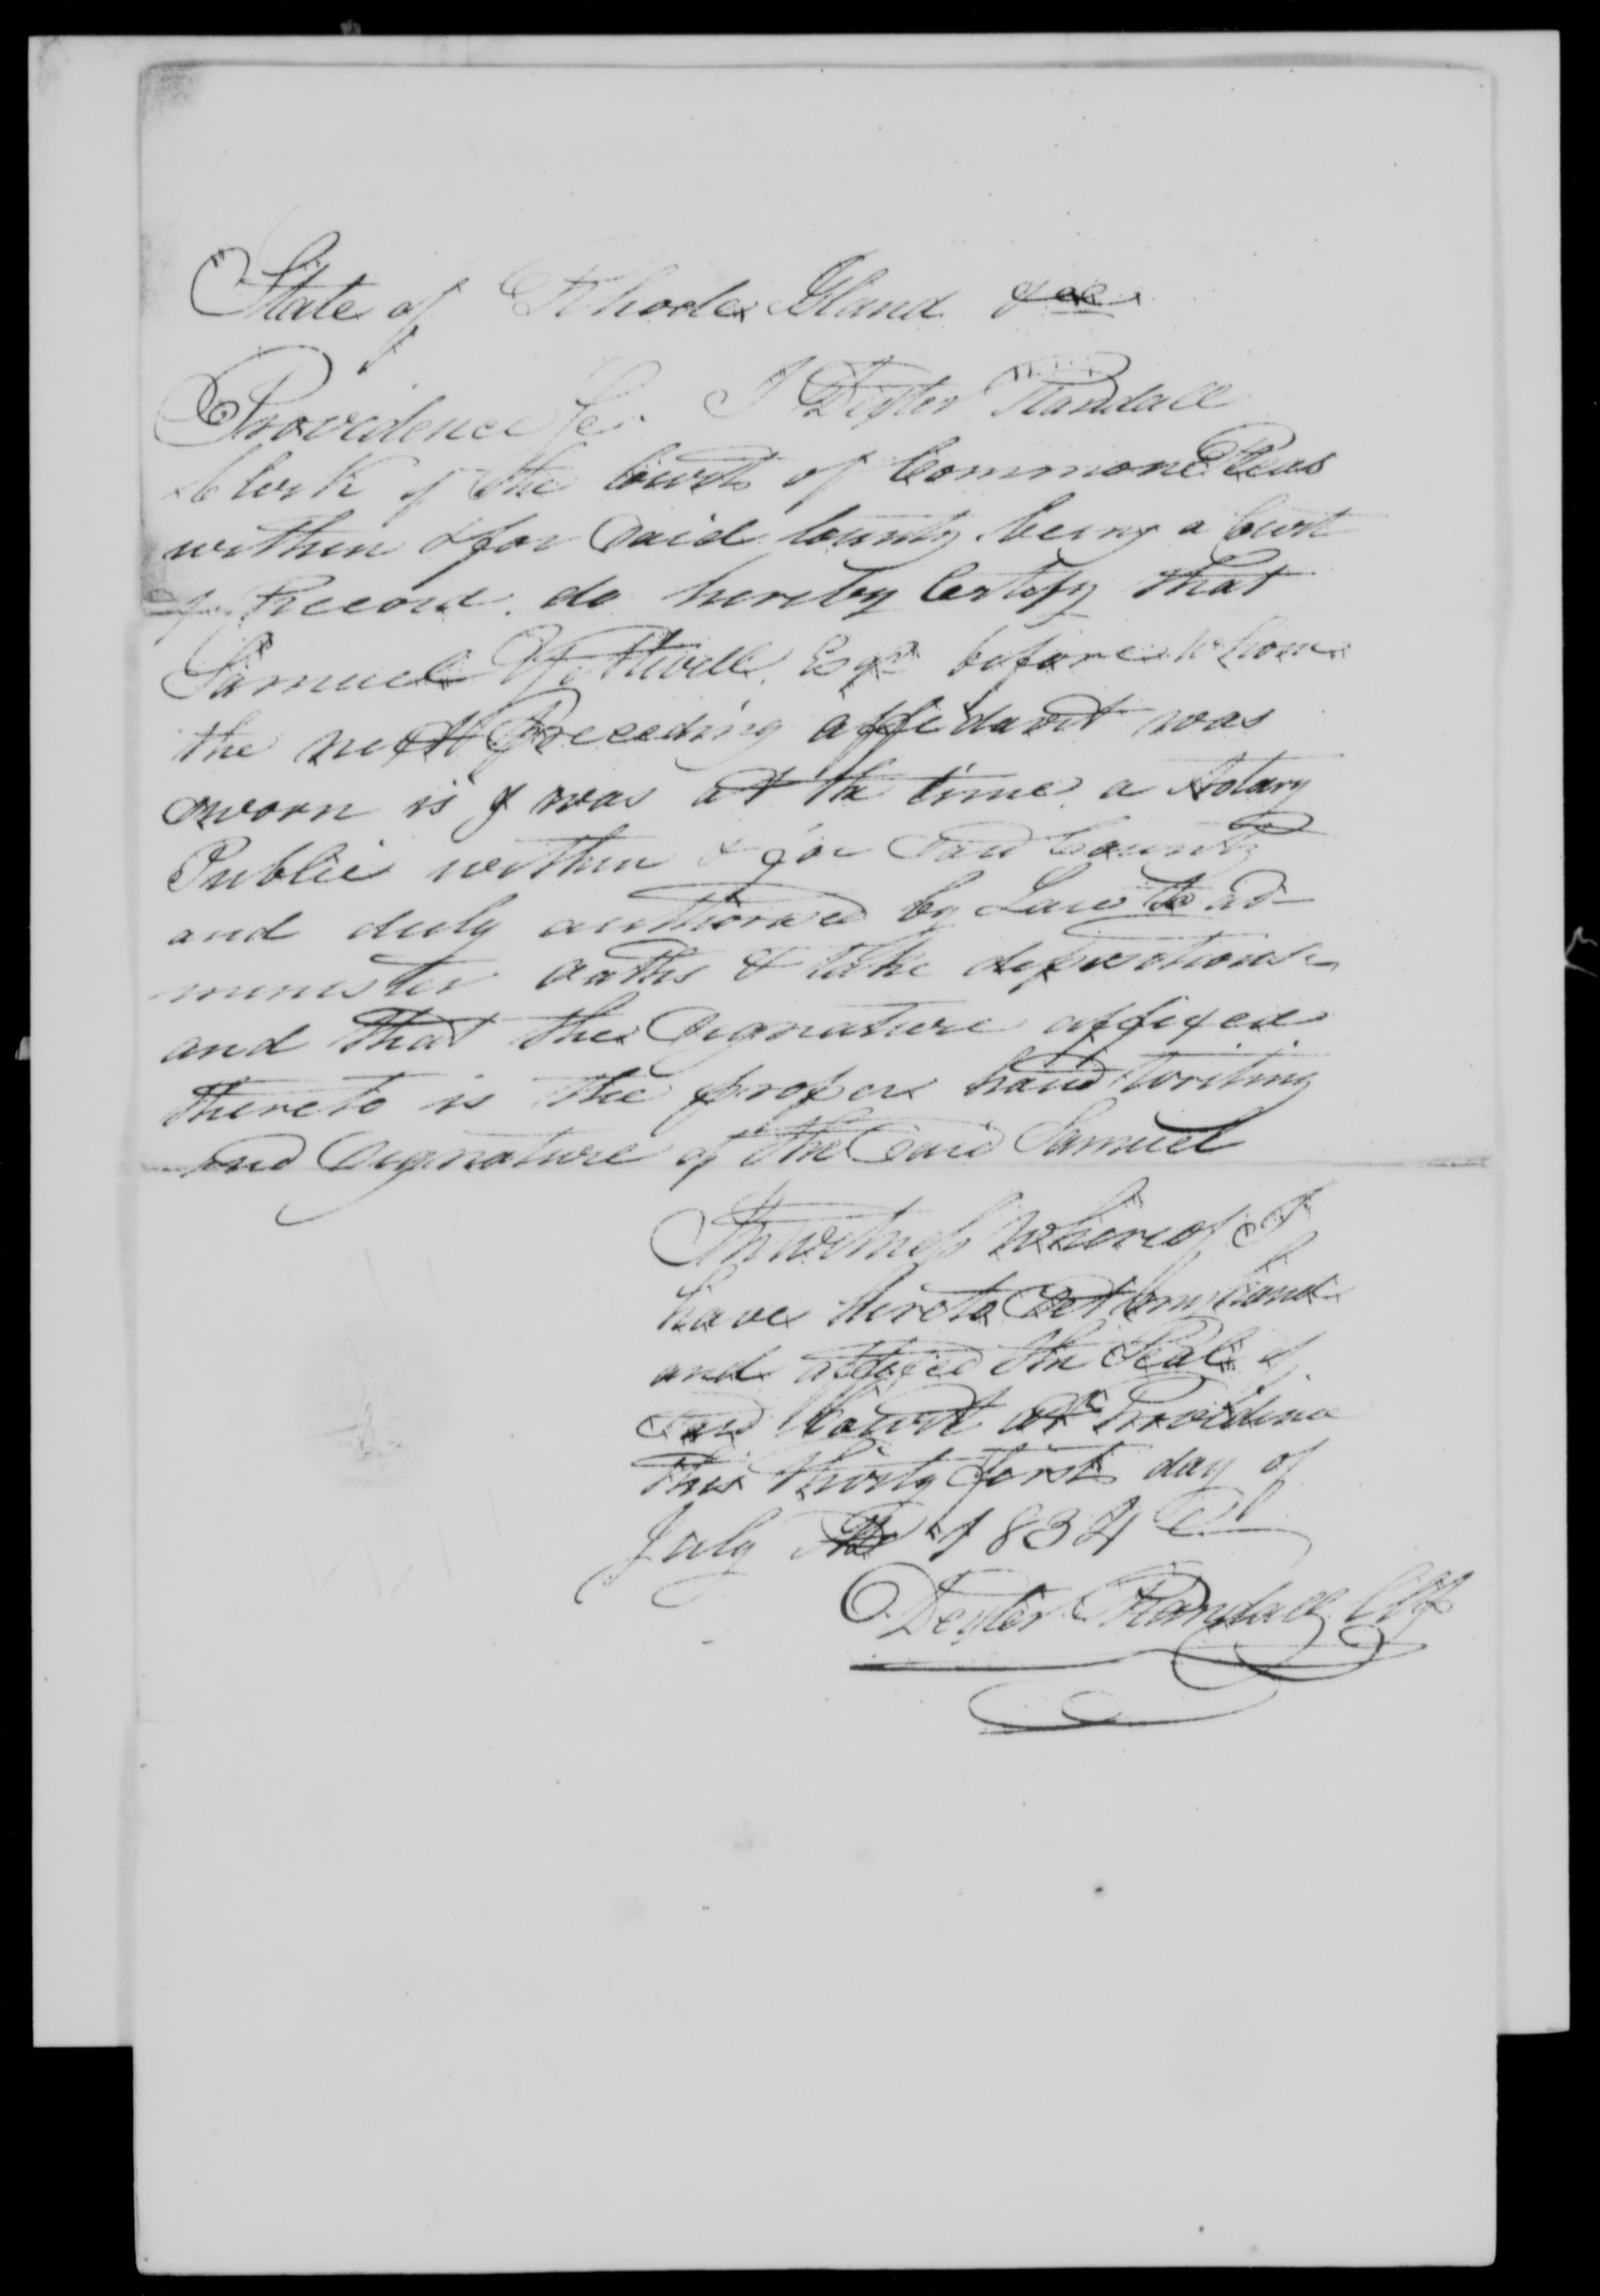State of Rhode Island 
Providence 

I Dexter Randall Clerk of the Court of Common Pleas within & for said County being a Court of Record do hereby certify that Samuel Y Atwell Esqr before whom the next preceding affidavit was sworn is & was at the time a Notary Public within & for said County and duly authorized by law to administer oaths & take depositions and that the signature affixed thereto is the proper hand writing and Signature of the said Samuel

In witness whereof I have hereto set my hand and affixed the Seal of said court of Providence this thirty first day of July 1834
Dexter Randall Clk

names: Samuel, Samuel Y Atwell, Dexter Randall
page: 22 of 23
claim: survivor's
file: S. 21576, Squire Williams, R. I.